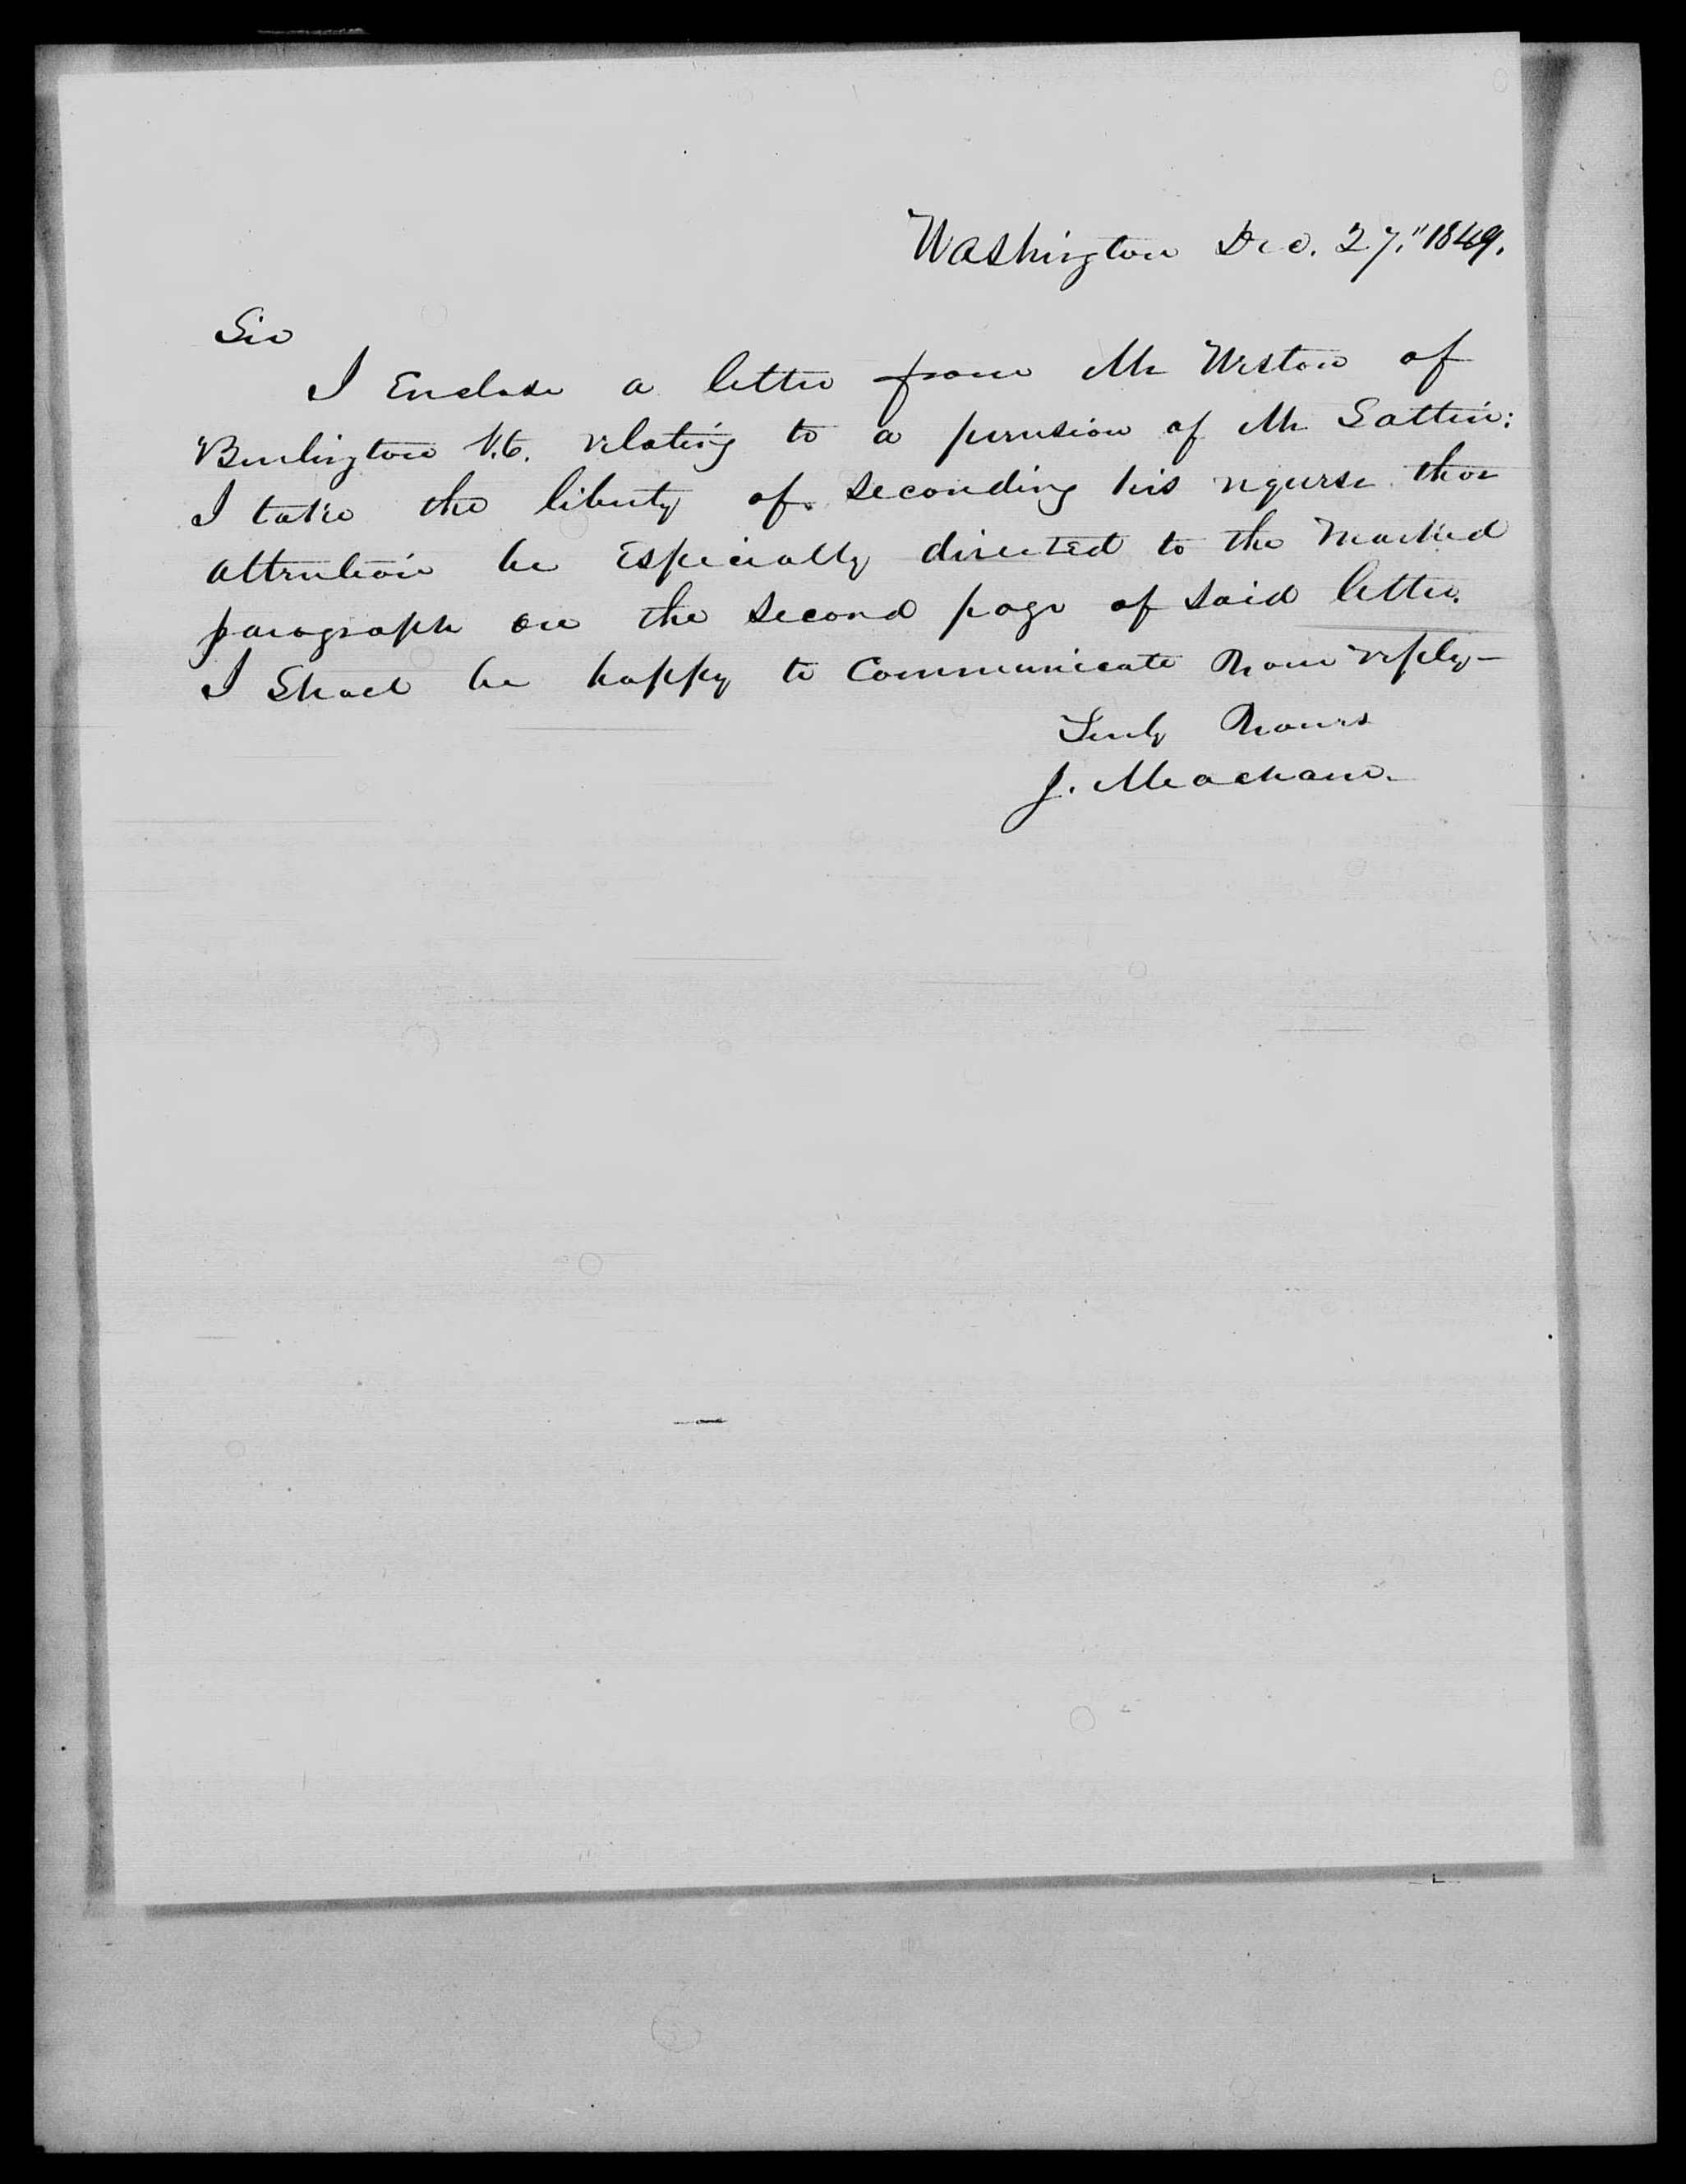Washington Dec. 27. 1849
Sir
I enclose a letter from Mr Weston of
Burlington Vt. relating to a pension of Mr Lattin
I take the liberty of seconding his request [thos]
attention be especially directed to the marked
paragraph of the second page of said letter.
I shall be happy to communicate your reply.

Truly Yours
J. Meacham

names: [BLANK] Lattin; [BLANK] Weston; J Meacham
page: 75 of 99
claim: widow's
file: W. 24,482, for Richard Lattin, Vermont